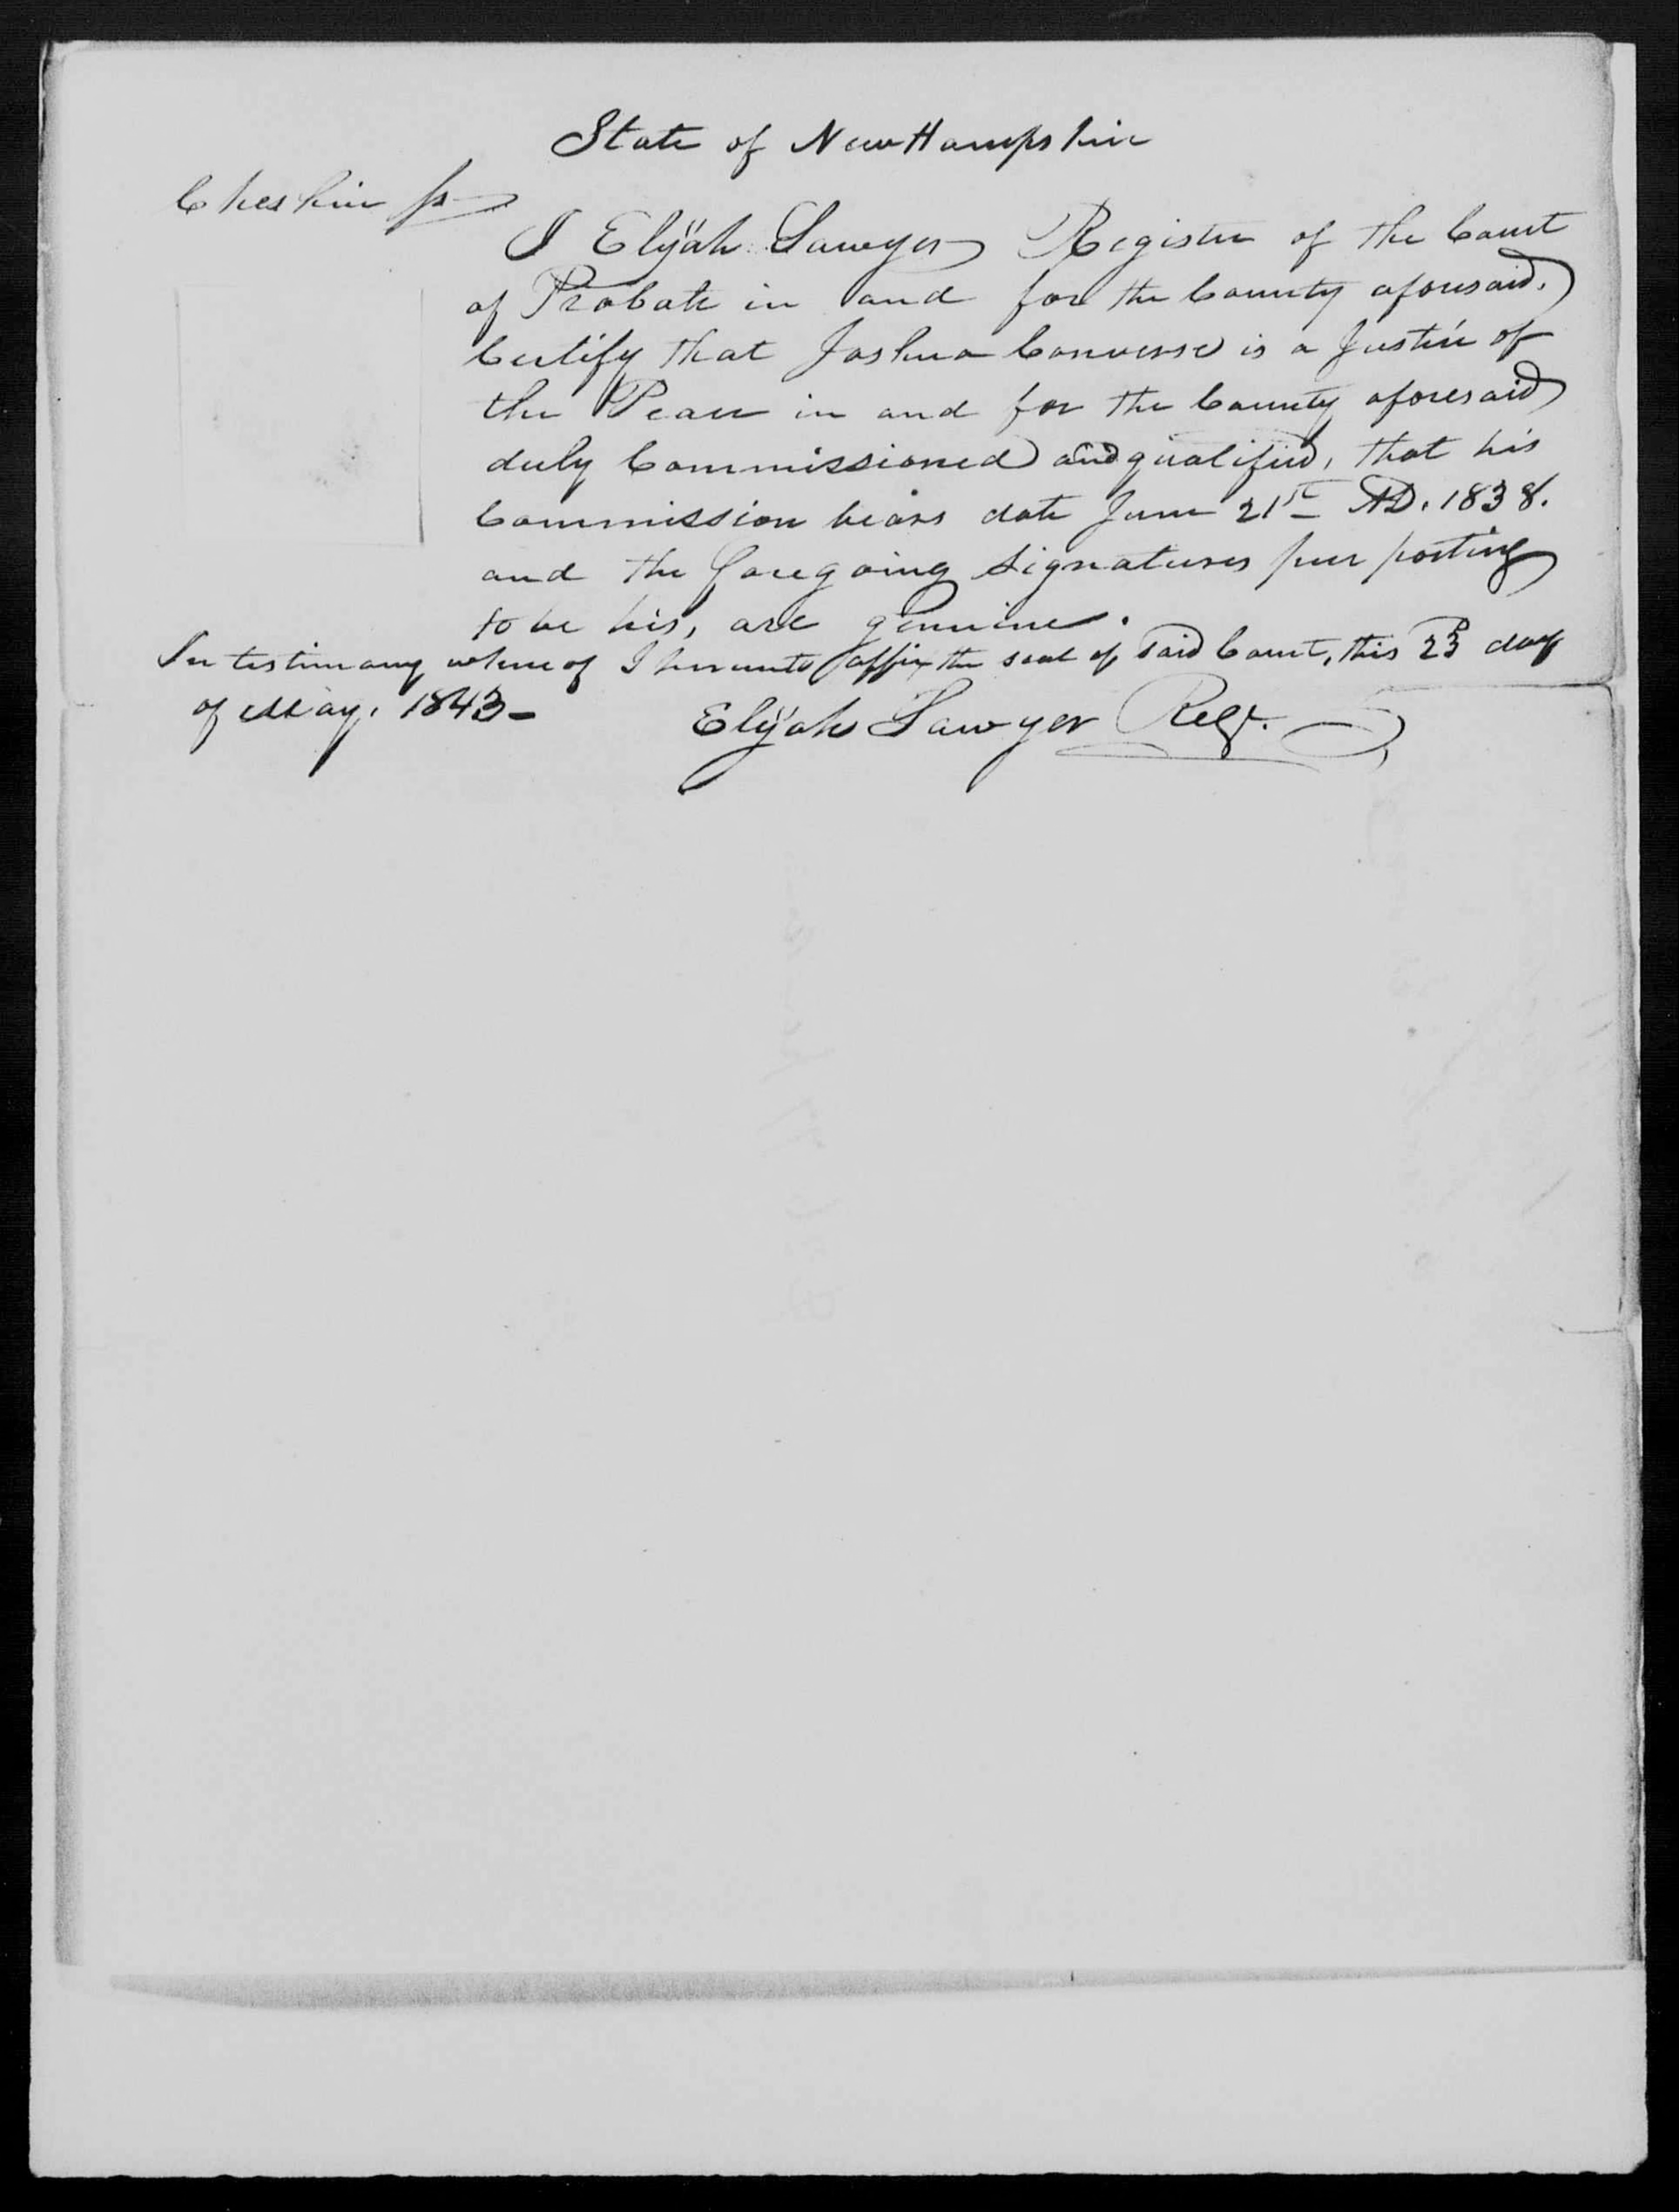State of New Hampshire
Chesire Jr
I Elijah Sawyer Register of the Court
of Probate in and for the County aforesaid,
certify that Joshua Converse is a Justice of
the Peace in and for the County aforesaid
duly commissioned and qualified, that his
Commission bears date June 21st AD. 1838.
and the foregoing signatures purporting
to be his, are genuine.
In testimony whereof I hereunto affix the seal of said Court, this 23 day
of May, 1843_
Elijah Sawyer Regr.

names: Elijah Sawyer, Joshua Converse, Elijah Sawyer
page: 42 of 42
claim: widow's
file: W. 23,652, Nehemiah Bowers, Mass.